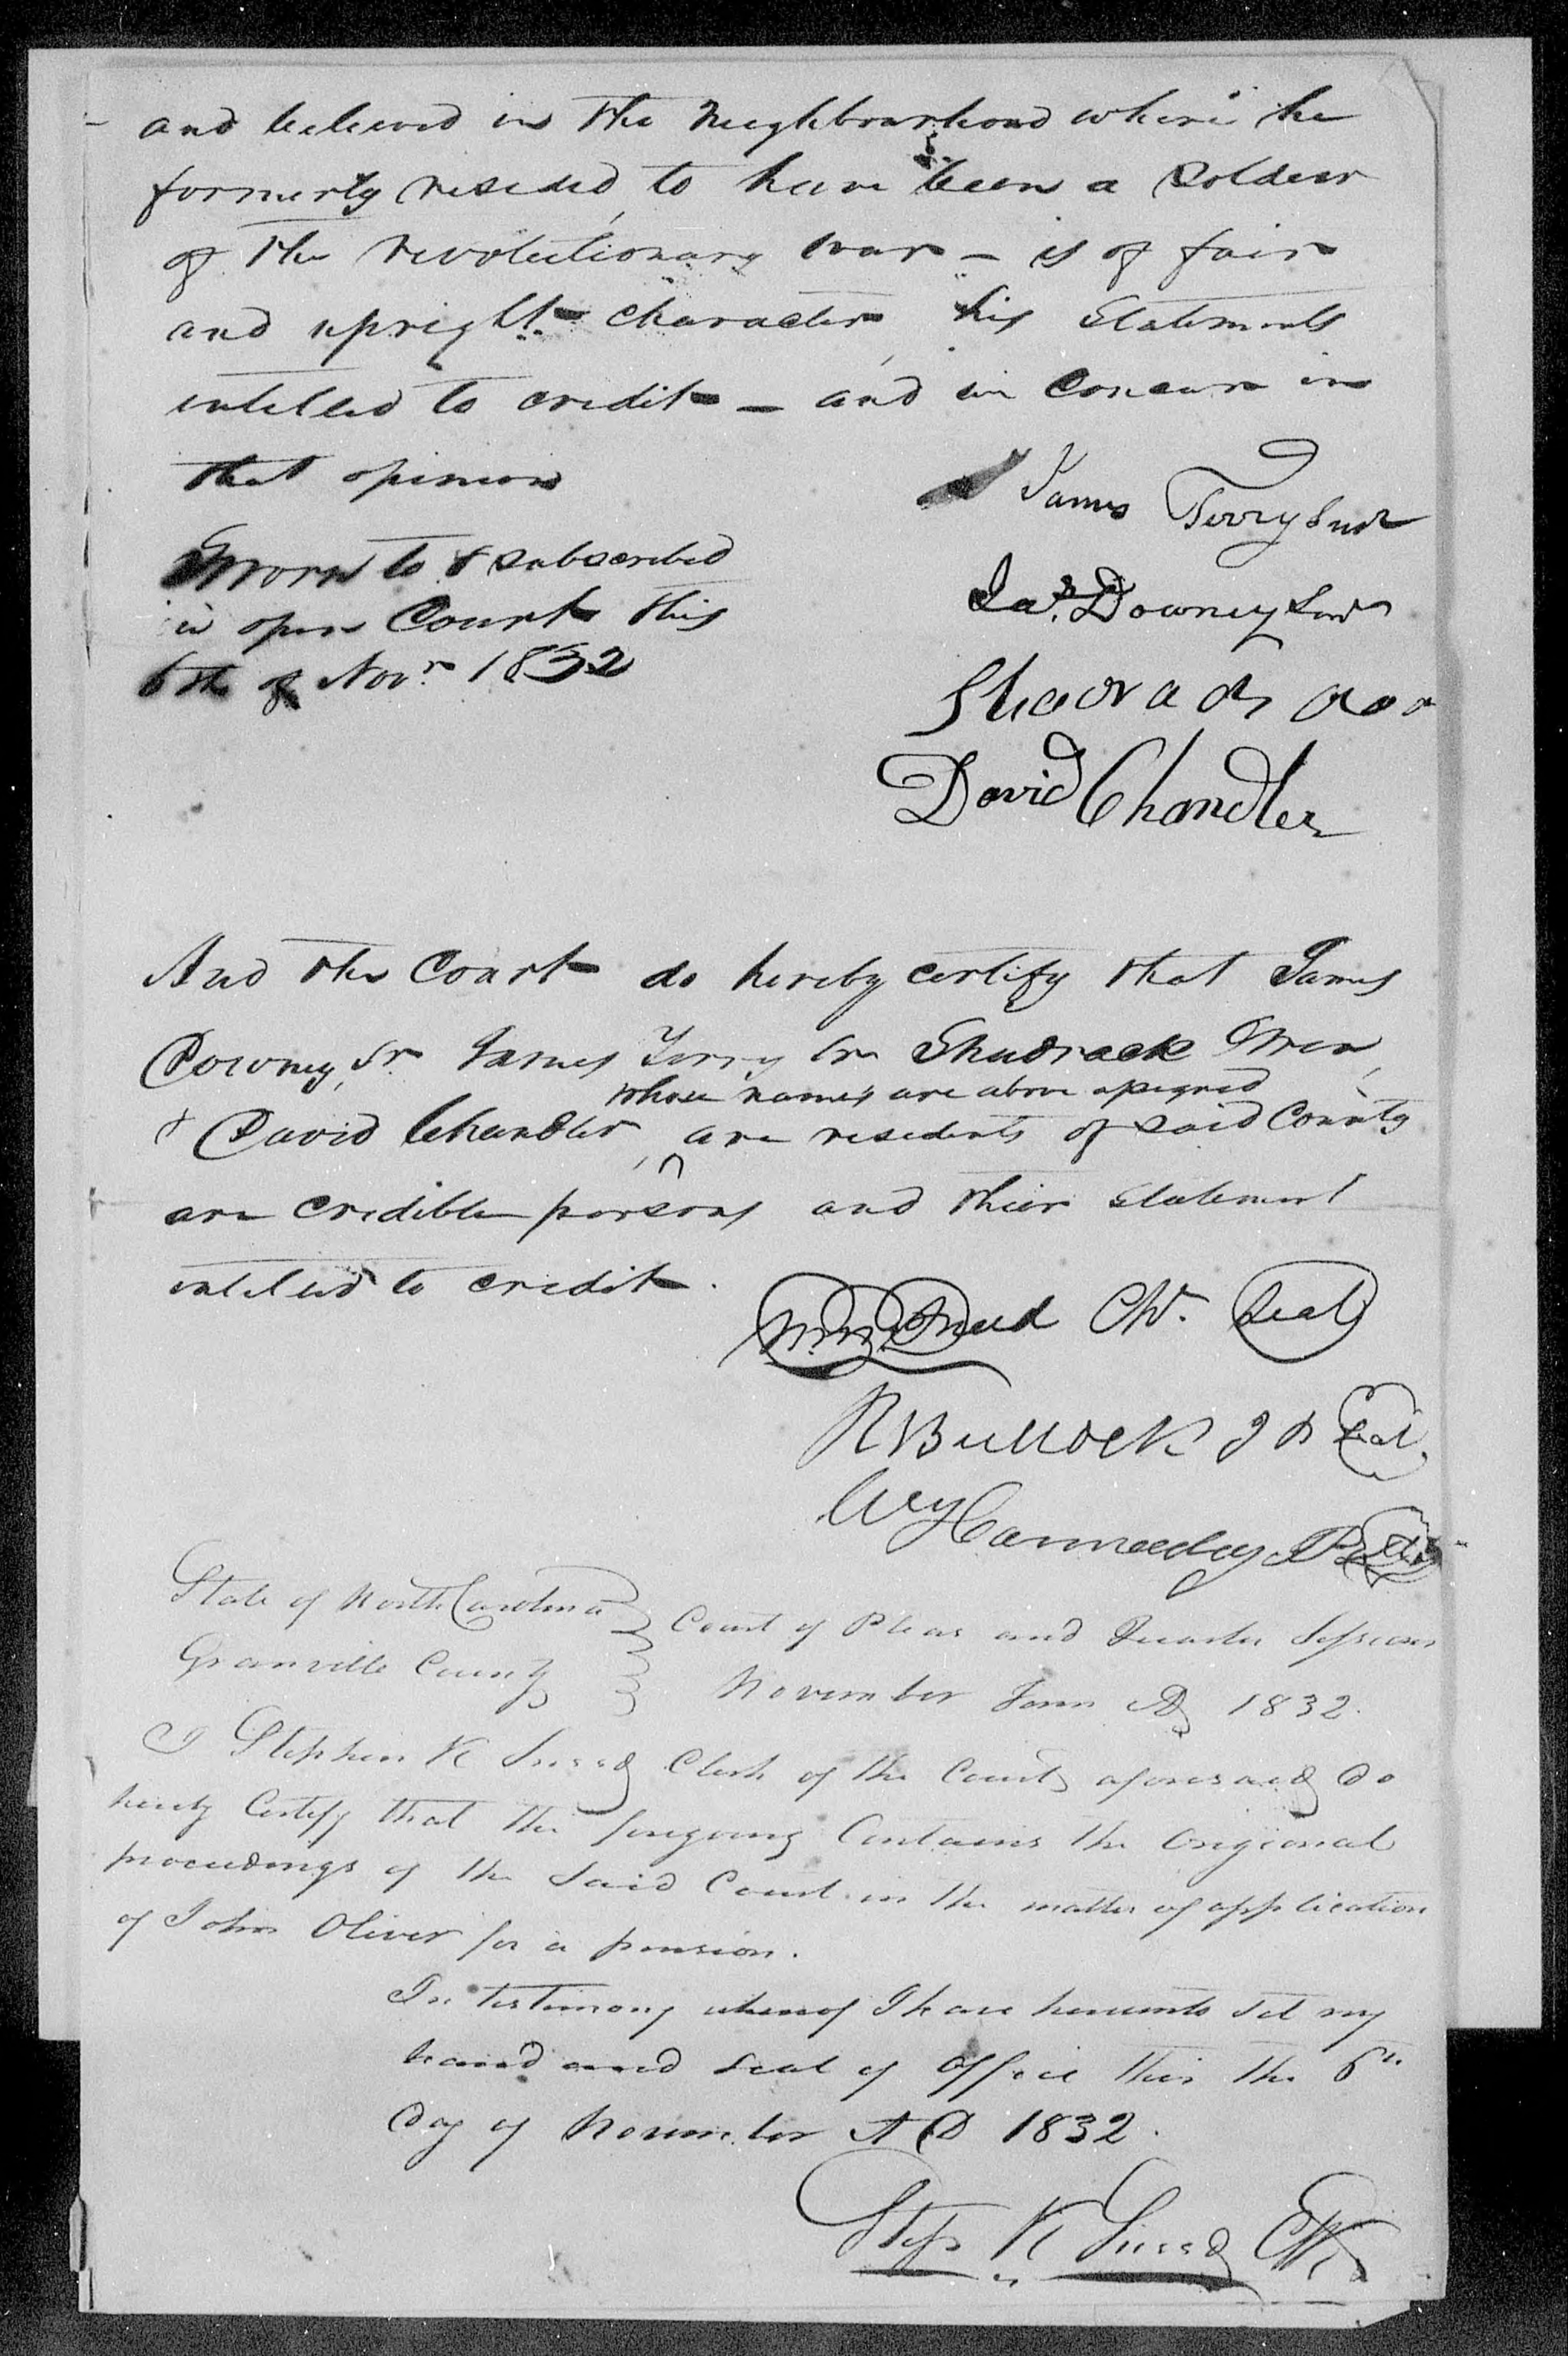and believed in the neighborhood where he
formerly resided to have been a soldier
of the revolutionary war - is of fair and upright character his statements entitled to credit and we concur in that opinion

Sworn to & subscribed in open Court this
Novr 1832

James Terry Senr
Jas Downey Senr
Shardrack Owen
David Chandler

And the Court do hereby certify that James
Downey Sr, James Terry Sr Shadrack Owen in
& David Chandler whose names are above assigned are residents of said County are credible persons and their statement entitled to credit.

M Sneed Ch. (seal)
R Bullock JP (seal)
W Hannaday JP (seal)

State of North Carolina
Granville County
Court of Pleas and Quarter Sessions November Term AD 1832

I Stephen K Sneed Clerk of the Court aforesaid do hereby certify that the foregoing contains the Original proceedings of the said Court in the matter of application of John Oliver for a pension.

In testimony whereof I have hereunto set my
hand and seal of Office this the 6th day of November AD 1832

Step K Sneed Clk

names: W Hannaday; James Torry; Jas Downey; Step K Sneed; Shadrack Owen; R Bullock; David Chandler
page: 18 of 32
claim: survivor's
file: S. 31888, for John Oliver, North Carolina